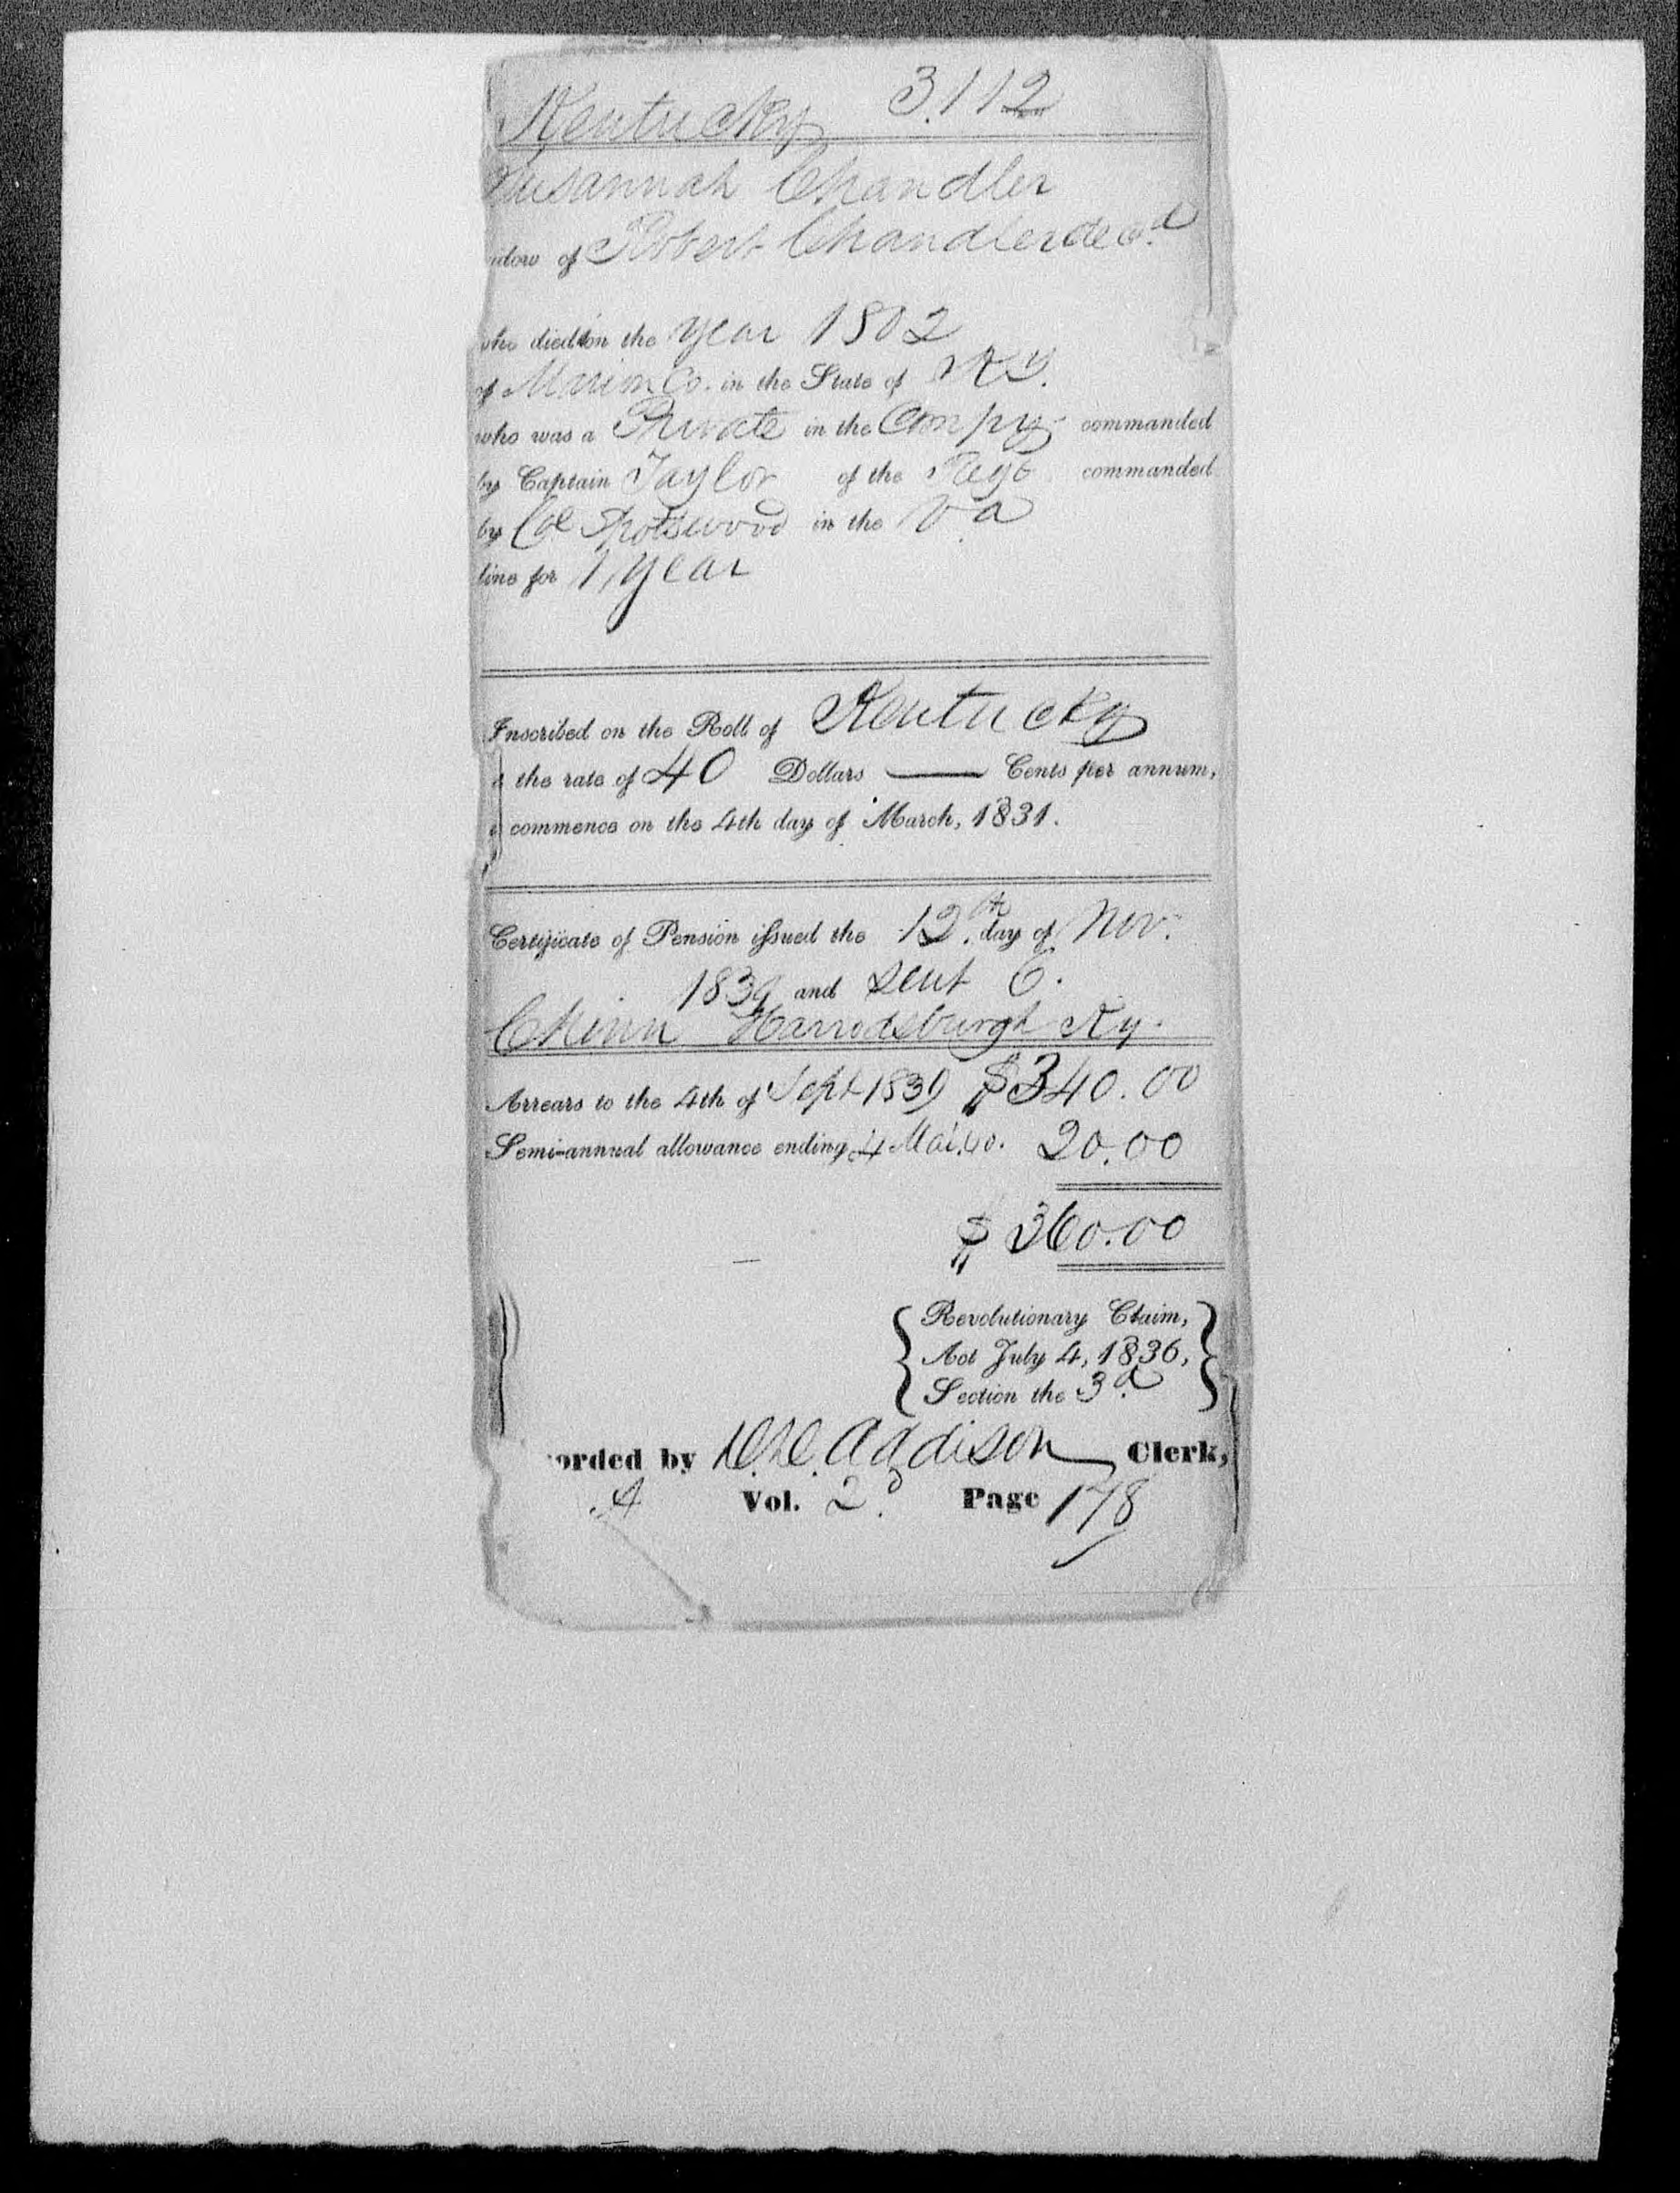3.112
 Kentucky
      Susannah Chandler
widow of   Robert Chandler     dead 
who died in the  year  1802
of Marion Co. in the State of KY
who was a Private  in the Company commanded by Captain  Taylor of the Reg’t commanded by Col Spotsworth in the  Va.
line for  1 year
     
=========================== 
Inscribed on the Roll of Kentucky
at the rate of    40   dollars    --- cents per annum to commence on the    4th day of March, 1831.
==============================
Certificate of Pension is issued on the 12th  day of Nov      1839        and sent to
Chinn  Harrodsbourgh Ky
Arrears to the 4th of Sept 1839          
 340.00
Semi-annual allowance ending 4 March 40    20.00
				                   $360.00
                                     Revolutionary Claim
			Act July 4, 1836
			Section the 3rd 
Recorded by  D D Addison   Clerk
Book  A    Vol  2    Page   178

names: C Chinn, Taylor, D D Addison, Spotswood, Susannah Chandler, Robert Chandler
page: 2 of 12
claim: widow's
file: W. 8598, Robert Chandler, Va.